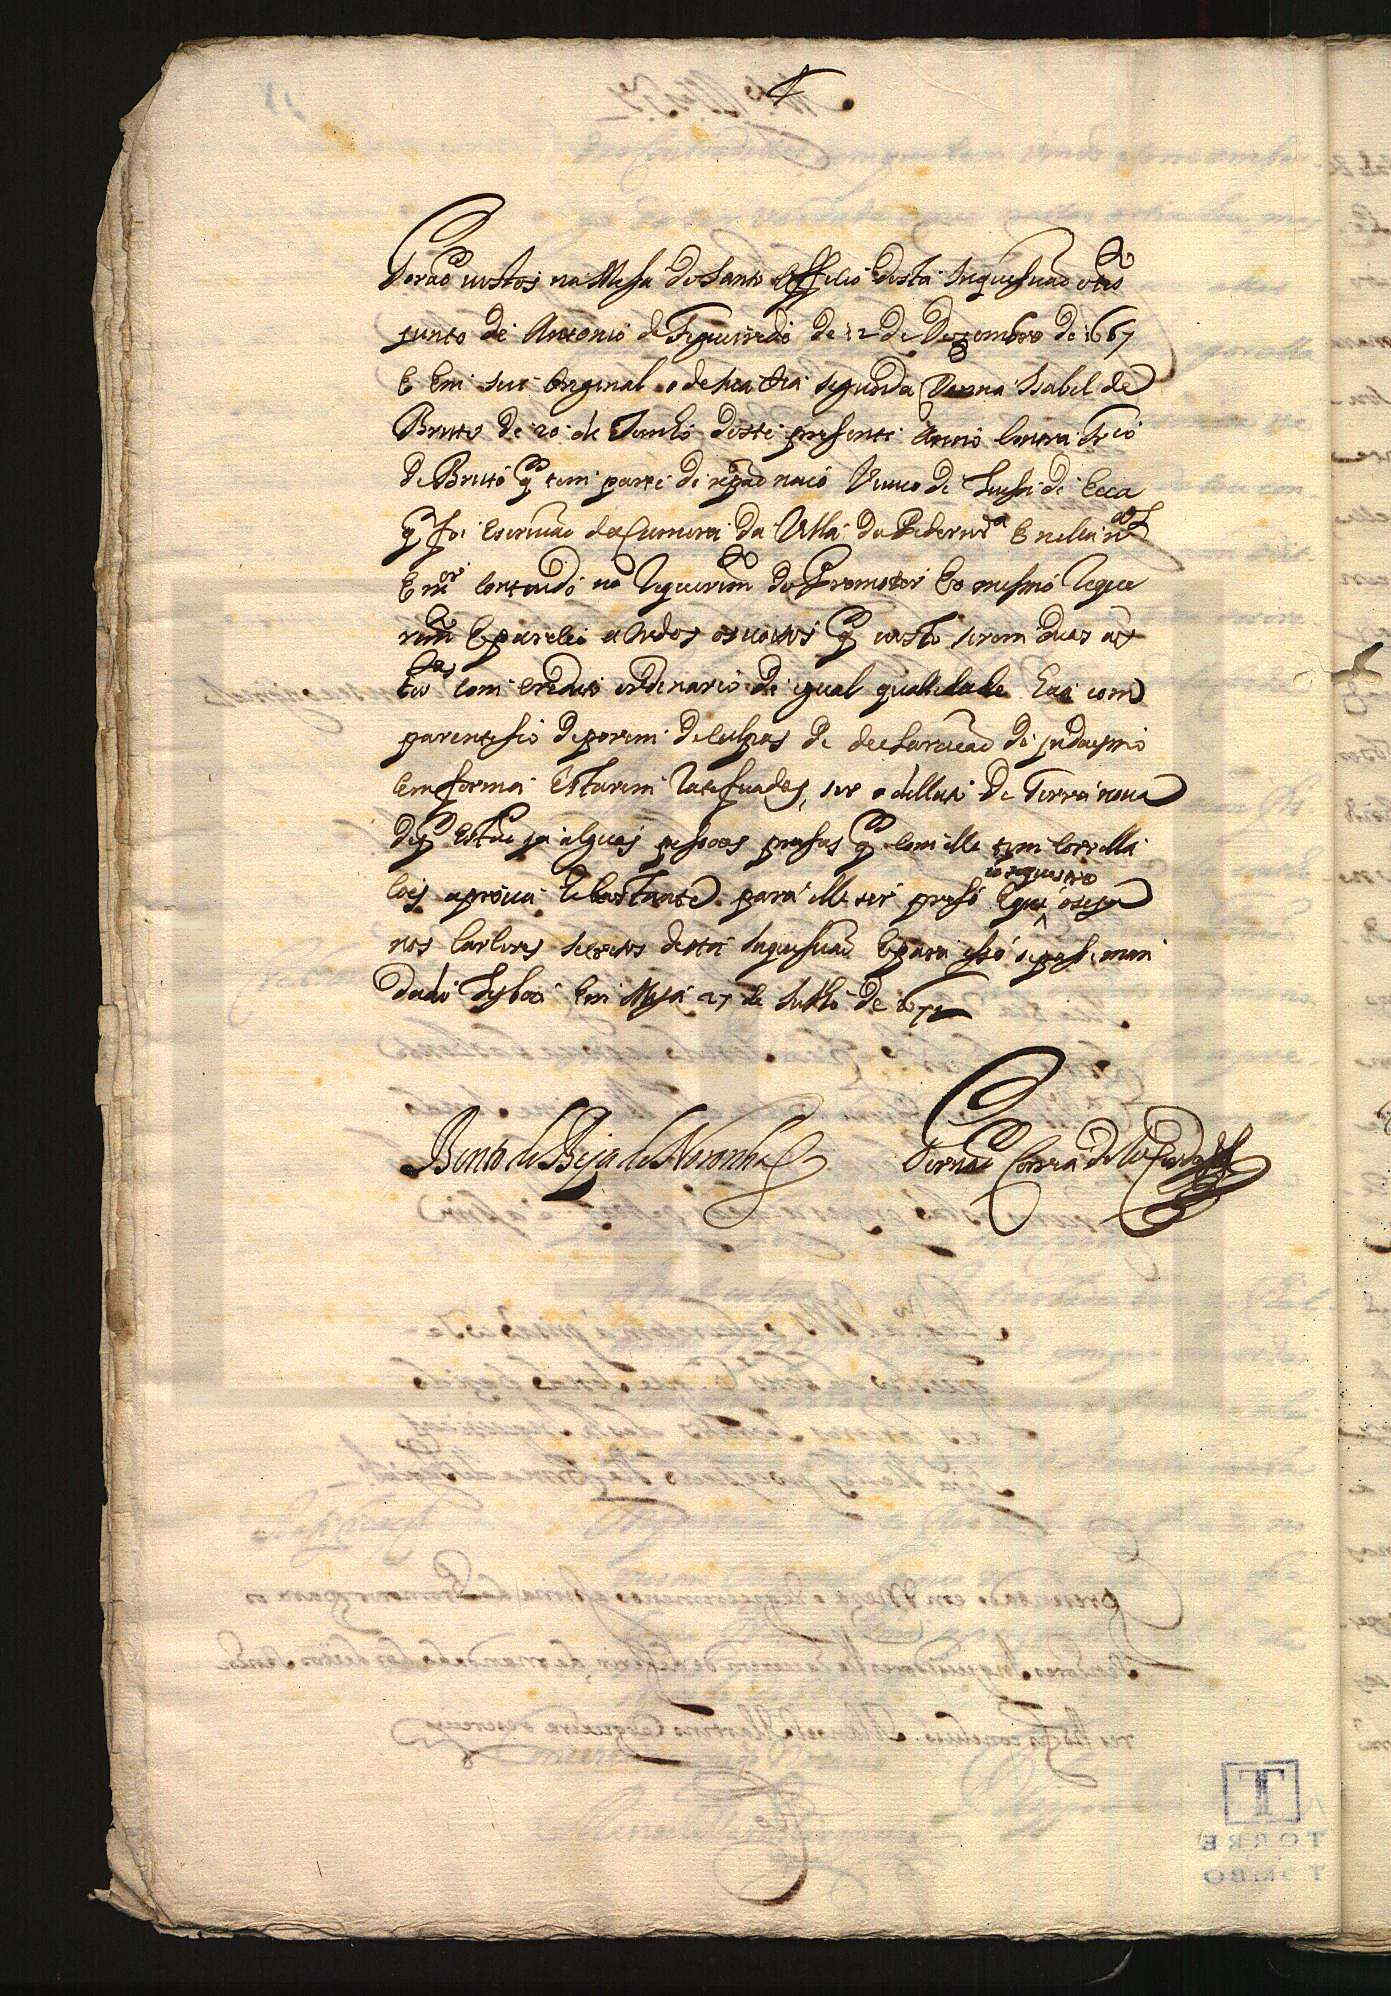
Foraõ uistos na Mesa do Santo Officio desta Inquisição o testo
junto de Antonio de Figueiredo de i2 de Dezembro de 1667
E Em seu original o de sua tia segunda Donna Isabel de
Britto de .20. de Iunho deste presente anno Contra Frco
de Britto q̄ tem parte de xpão nouo Viuuo de Luisa de Ecca
q̄ foi Escriuão da Camera da Villa da Pedernra E nella naL
E mor conteudo no Requerimto do Promotor E o mesmo Reque
rimto E pareceo a todos os uottos q̄ uisto serem duas as
testas com credito ordinario de igual quallidade hua com
parentesco deporem de culpas de declaraçaõ de judaismo
Em forma Estarem Rateficadas, ser o dellato de Terra noua
de q̄ Estão ja alguas pessoas presas q̄ com elle tem corrella
çois a proua he bastante para elle ser preso E que
cō sequestro
o seja
nos CarCeres secretos desta Inquisiçaõ E para isso se passe man
dado Lysboa Em Mesa 27 de Iulho de 1672
Bento de Beja de Noronha
Fernaõ Correa de lacerda
